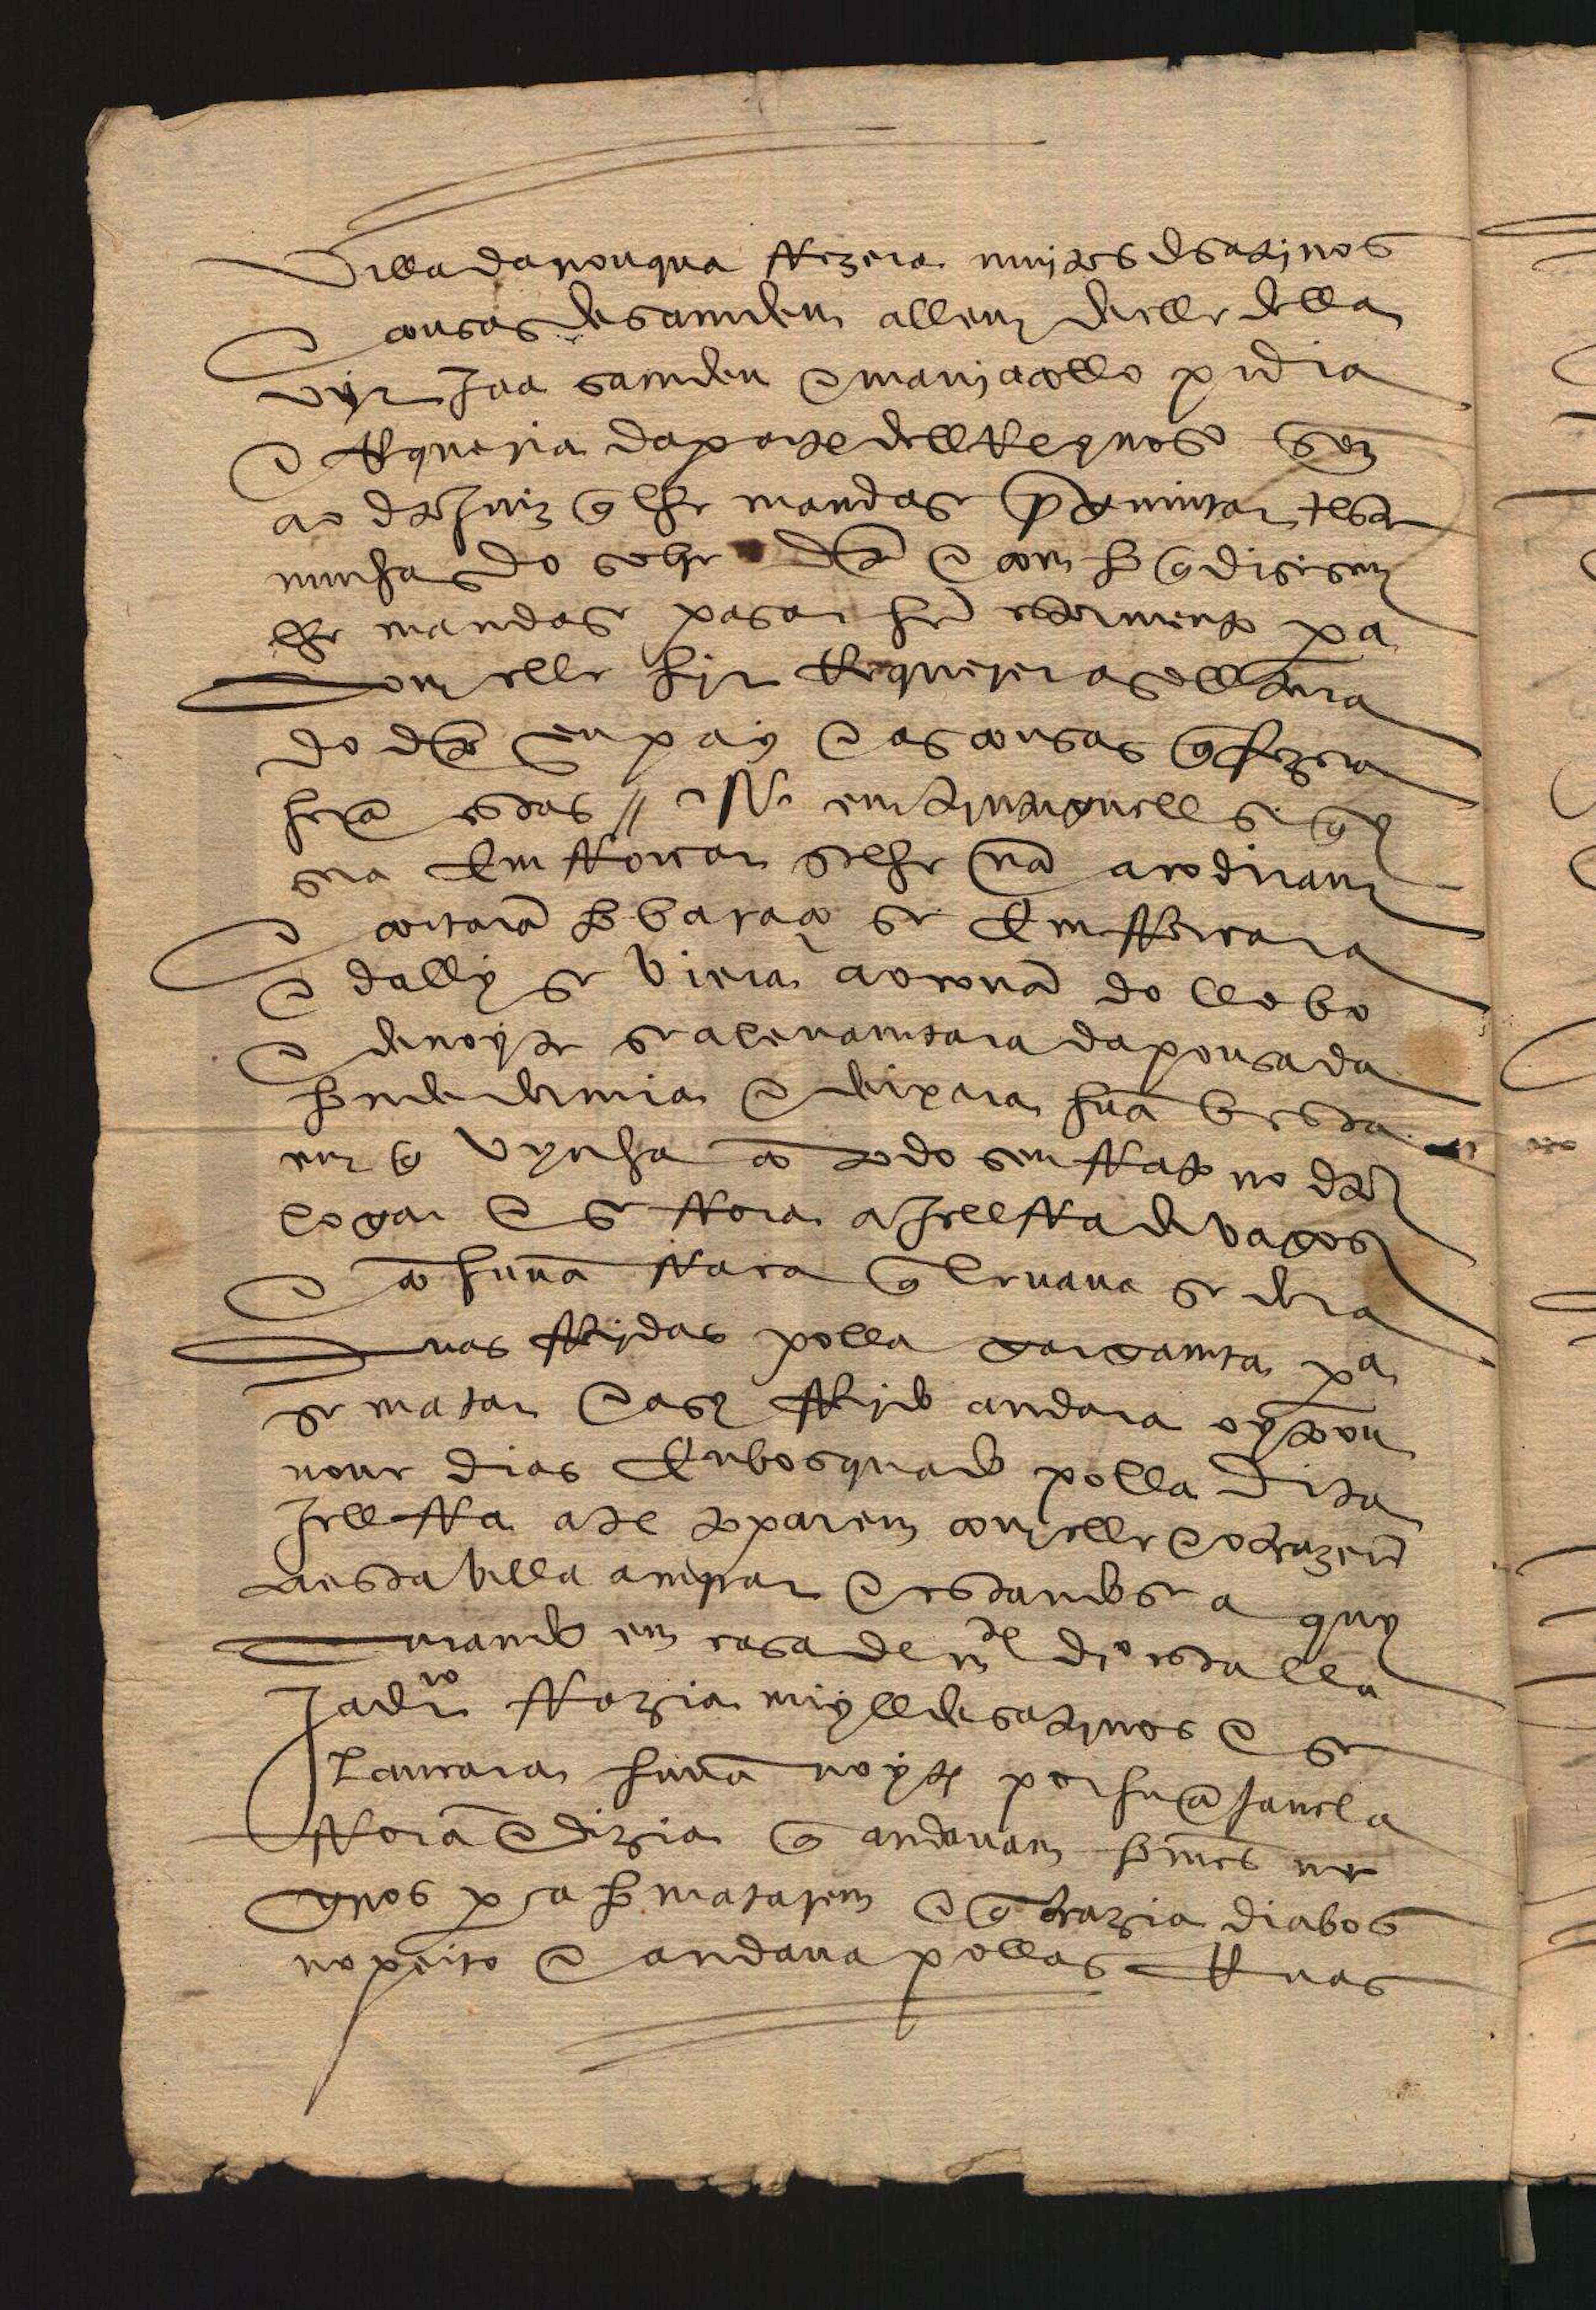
Villa darouqua ffezera muitos desatinos
e cousas de samdeu allem de elle de lla
vyr Jaa samdeu e maniacollo pidia
e Requeria da parte dell Rey noso s̄or
ao dto Juiz q̄ lhe mandase p̄gumtar teste
munhas do sobre dt̄o e com ho q̄ disesem
lhe mandase pasar hū estormento ꝑa
Com elle hjr Requerer a solltura
do dt̄o seu pay e as cousas q̄ fezera
herā estas // -ss- em tintuguell se q̄y
sera Emfforcar se lhe nā acodiram
e cortarā ho baraço se Emfforcara
e dally se viera ao couā do llobo
e de noyte se aleuamtara da pousada
honde dormia e deixara huā besta
em que vynha c̄o todo seu ffato no dto
logar e se ffora a Jellffa de vagos
e c̄o huūa ffaca q̄ leuaua se dera
duas fferidas polla gargamta ꝑa
se matar e asy fferido andara oyto ou
noue dias Enbosquado polla dita
Jellffa ate toparem com elle e o trazerē
a esta villa a curar e estandose aquy
Curando em casa de mte dio estalla
Jadrro ffazia miyll desatinos e se
Lancara huūa noyte por huā Janela
ffora e dizia que andauam hom̄es ne
gros ꝑa ho matarem e q̄ trazia diabos
no peito e andaua pollas Ruas
